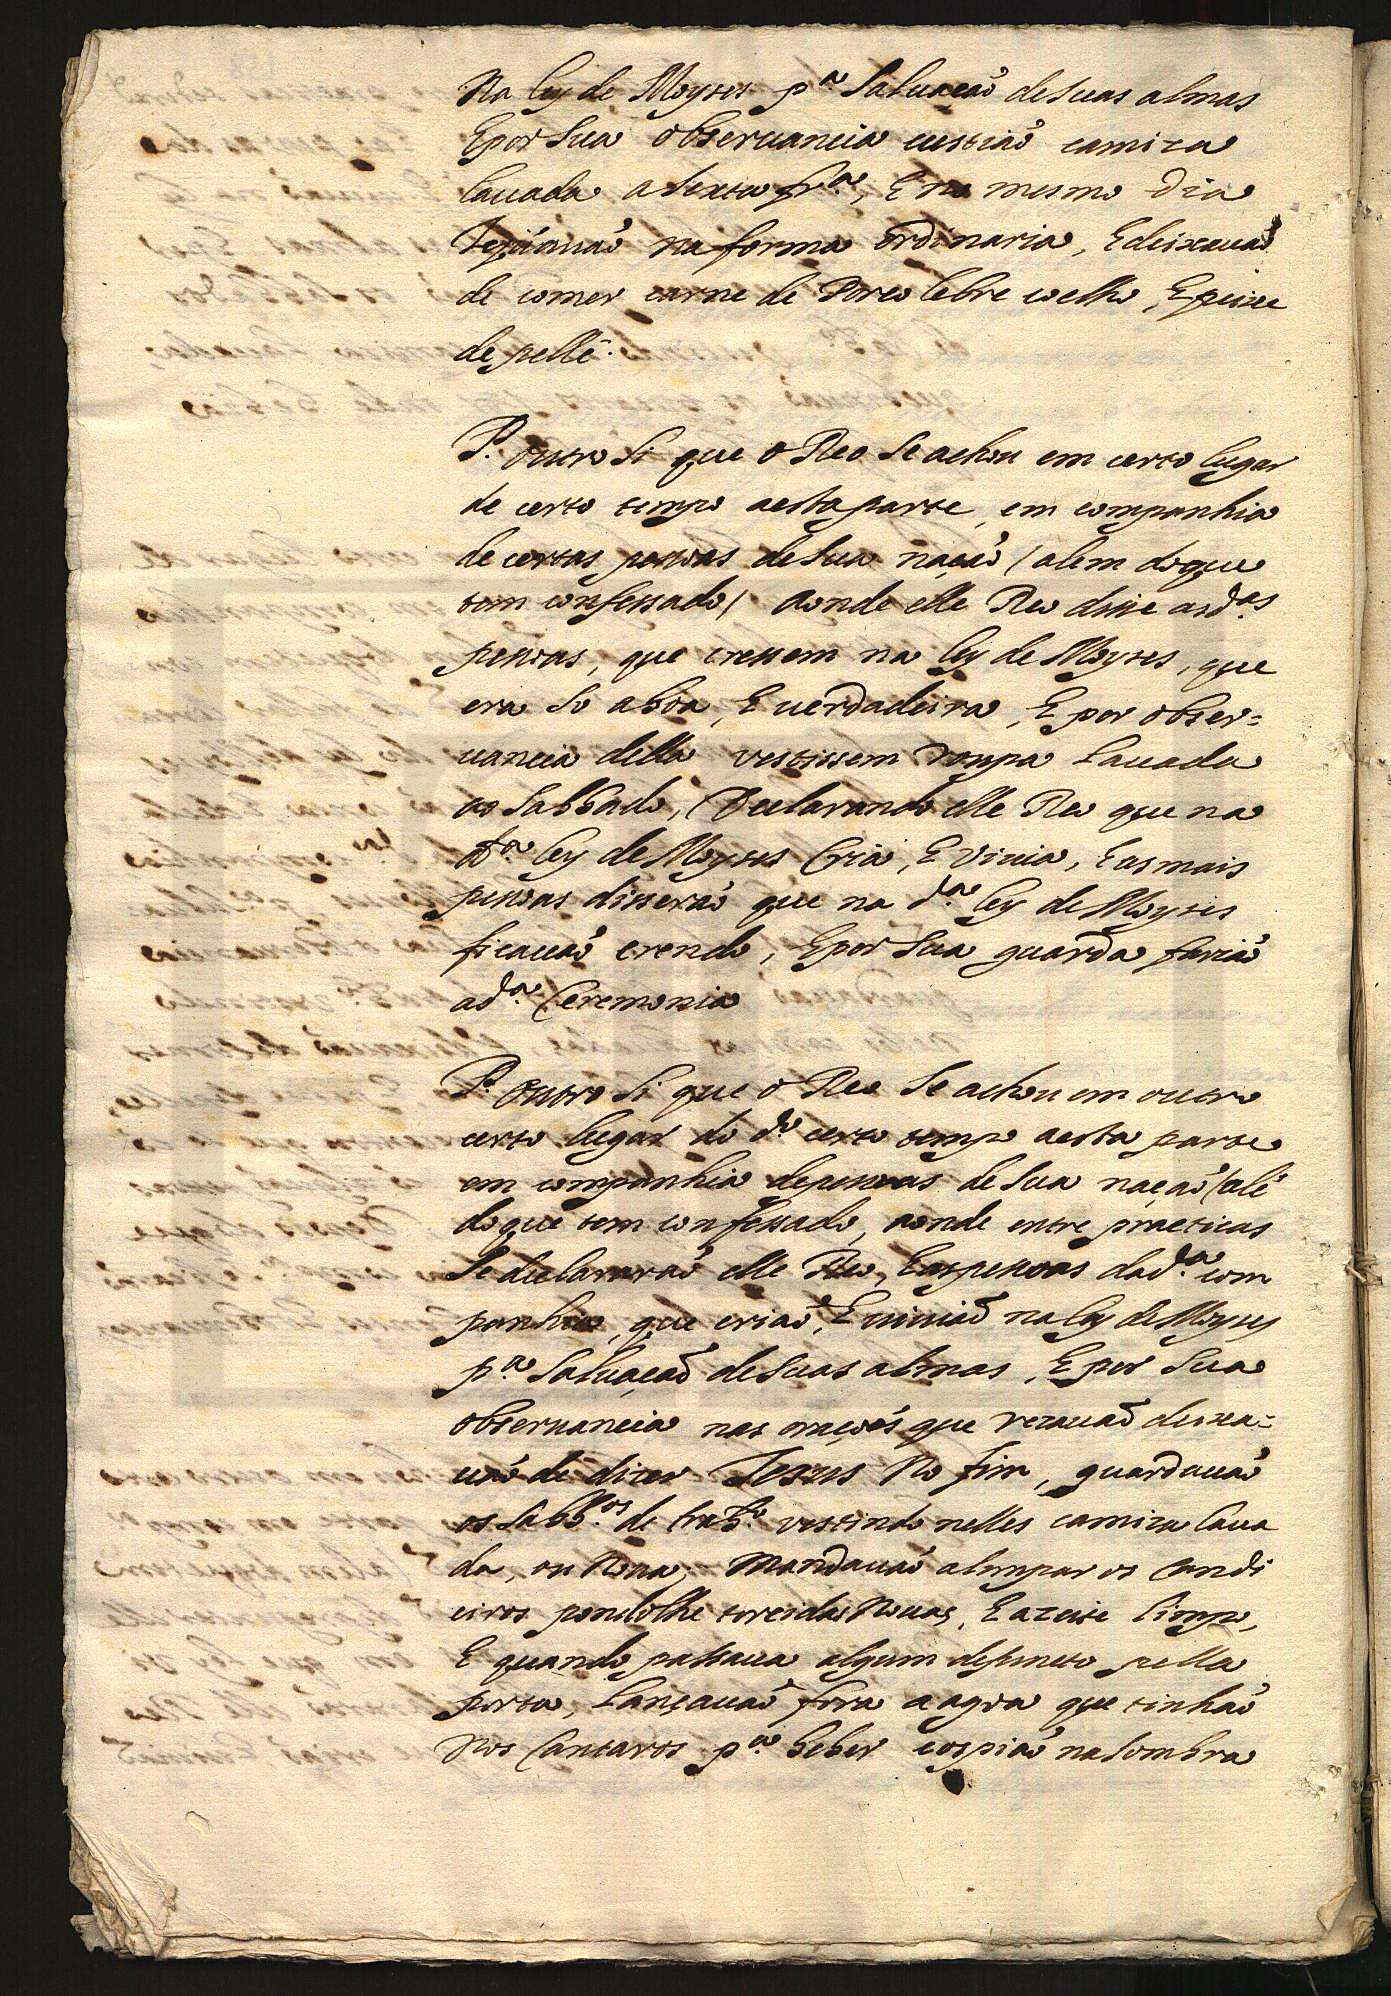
na ley de Moyses pa. saluaçaõ de suas almas
E por sua obseruancia uestiaõ camiza
lauada a sexta fr.a, E no mesmo dia
Iejuauaõ na forma ordinaria, E deixauaõ
de comer carne de Porco lebre coelho, E peixe
de pelle
P. outrosi que o Reo se achou em certo lugar
de certo tempo a esta parte em companhia
de certas pessoas de sua naçaõ / alem do que
tem confessado / aonde elle Reo disse as d.as
pessoas, que cressem na ley de Moyses, que
era so a boa, E uerdadeira, E por obser
uancia della vestissem roupa lauada
ao sabbado, Declarando elle Reo que na
d̄.a ley de Moyses Cria, E viuia, E as mais
pessoas disseraõ que na d.a ley de Moyses
ficauaõ crendo, E por sua guarda fariaõ
a d.a Ceremonia
E outrosi que o Reo se achou em outro
certo lugar do d.o certo tempo a esta parte
em companhia de pessoas de sua naçaõ / alē
do que tem confessado, aonde entre practicas
se declararaõ elle Reo, E as pessoas da d.a com
panhia, que criaõ, E uiuiaõ na ley de Moyzes
p.a saluaçaõ de suas almas, E por sua
obseruancia nas oraçoẽs que rezauaõ deixa
uaõ de dizer Iesus no fim, guardauaõ
os sabb.os de trab.o vestindo nelles camiza laua
da, ou noua, mandauaõ a limpar os candi
eiros pondolhe torcidas nouas, E azeite limpo,
E quando passaua algum defuncto pella
porta, Lançauaõ fora a agoa que tinhaõ
nos Cantaros p.a beber cospiaõ na sombra
